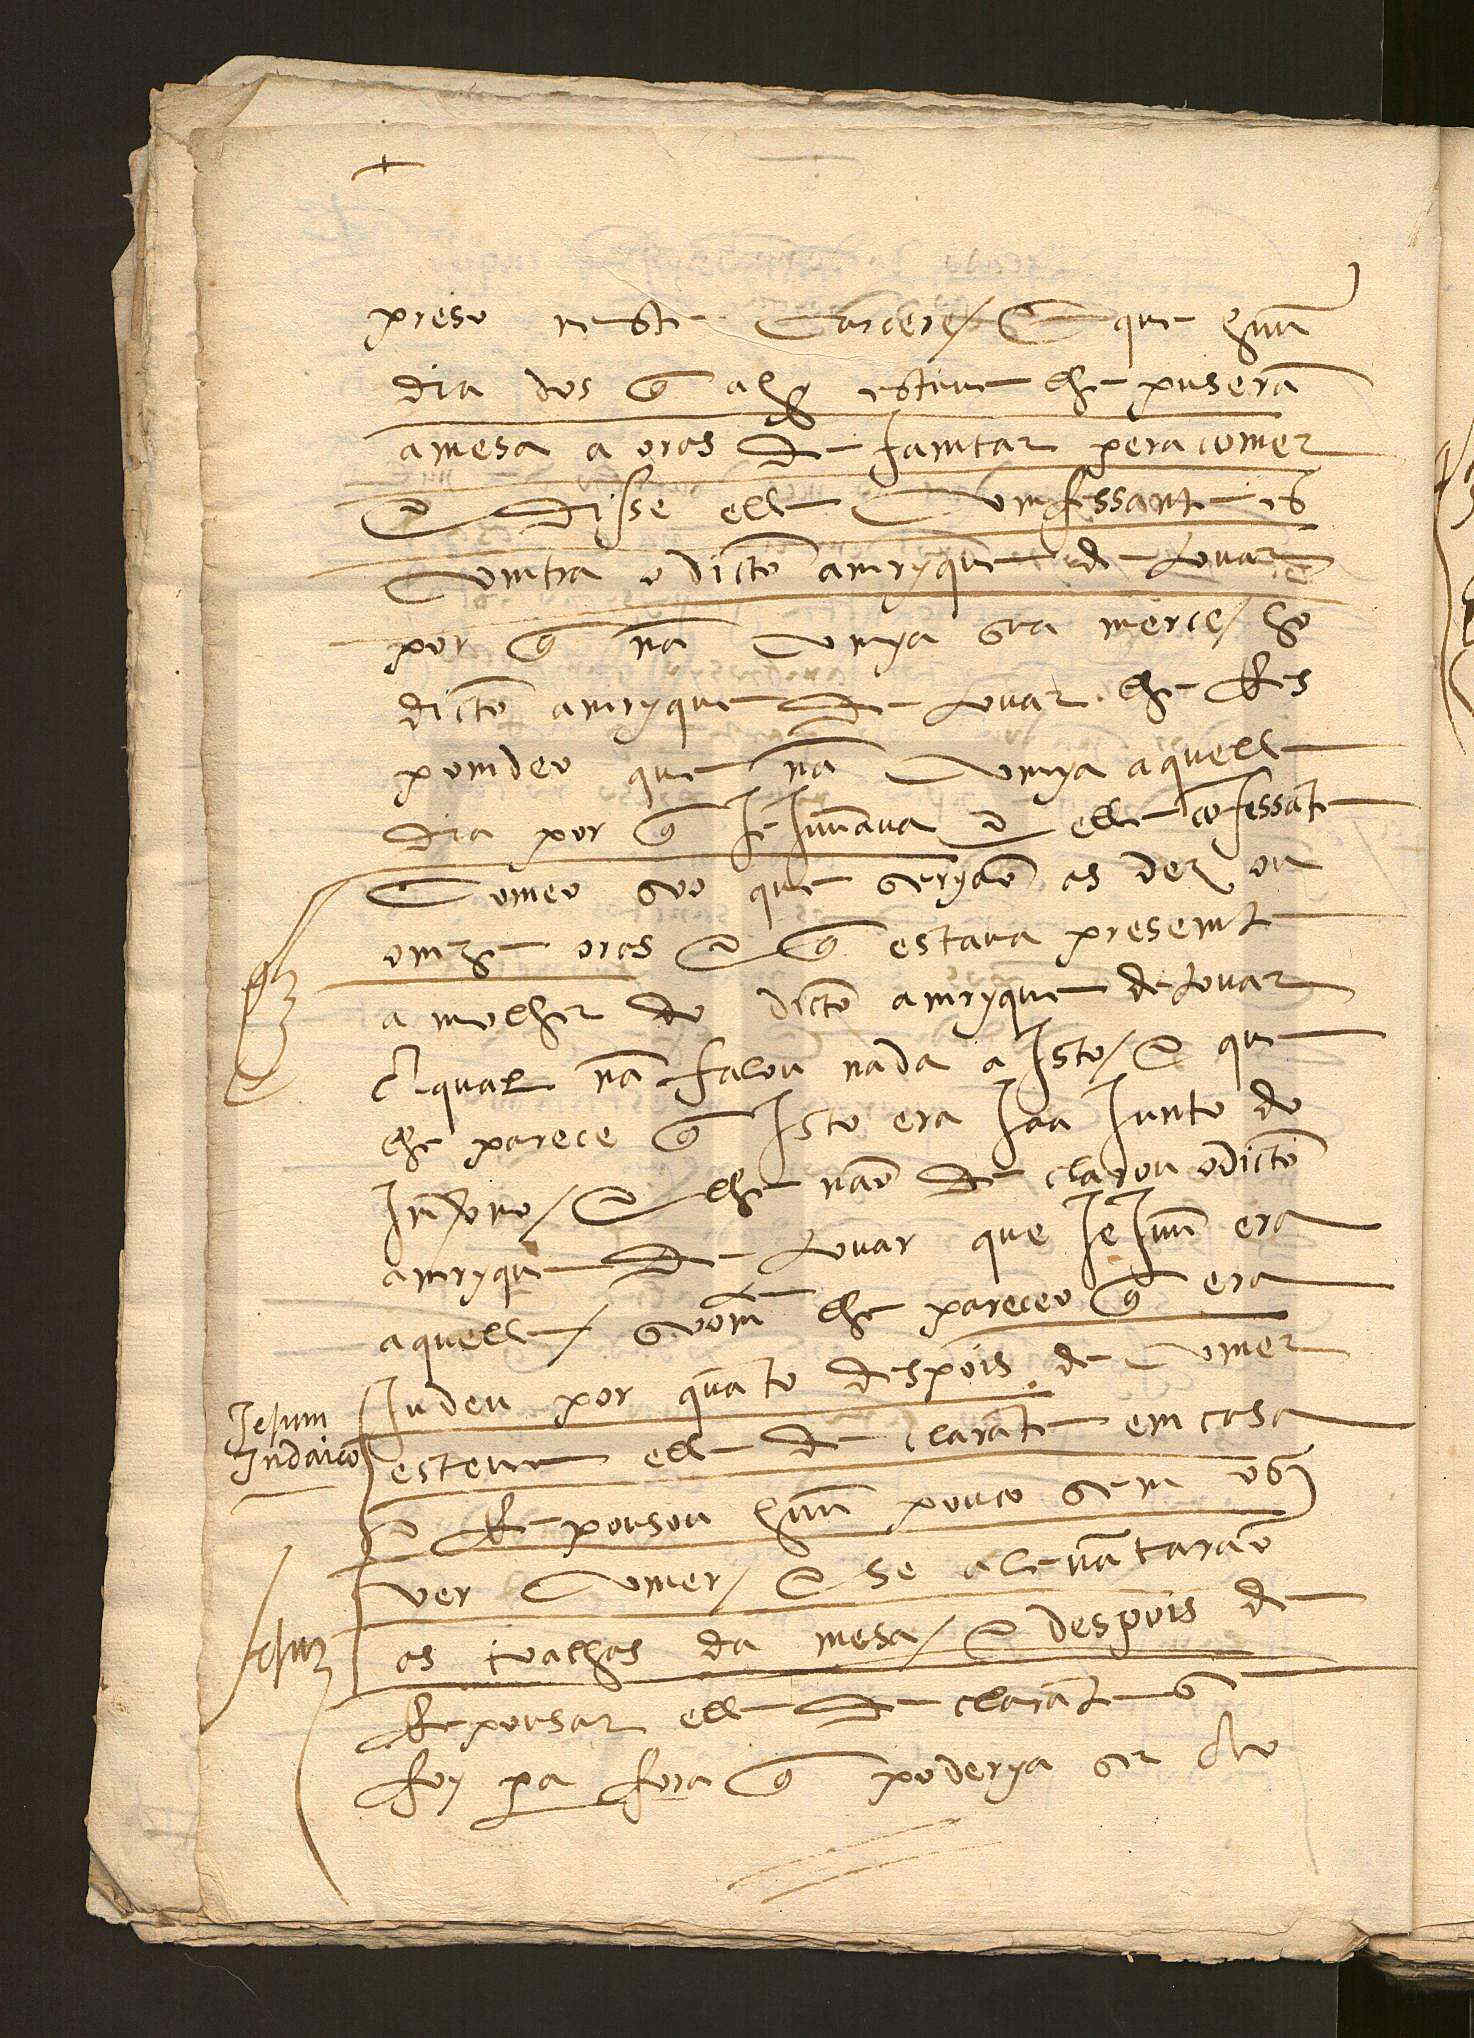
preso neste Carcere / E que hu̅u
dia dos q̅ ahy esteue lhe puserā
a mesa a oras de Jamtar pera comer
e disse elle Comfessante es
Comtra o di̅cto amryque de touar
por q̅ n̅a comya sua merce / ho
dic̅to amryque de touar lhe Res
pomdeo que n̅a Comya aquelle
dia por q̅ JeJu̅uaua e elle c̅ofessa̅te
Comeo soo que seryaõ as dez ou
omze oras e q̅ estaua presemte
a molher do di̅cto amryque de touar
A quaL n̅a falou nada a Jsto / e que
lhe parece q̅ Jsto era Jaa Junto do
Jmꝟno / e lhe na̅o declarou o di̅cto
amryque de touar que JeJu̅u era
aquelle / soomte lhe pareceo q̅ era
Judeu por qūato despois de comer
esteue elle declarāte em casa
e Repousou hu̅u pouco sem os
ver Comer / e se aleuātaraõ
as toalhas da mesa / e despois de
Repousar elle declara̅te se
foy ꝑa fora q̅ poderya ser Ao
